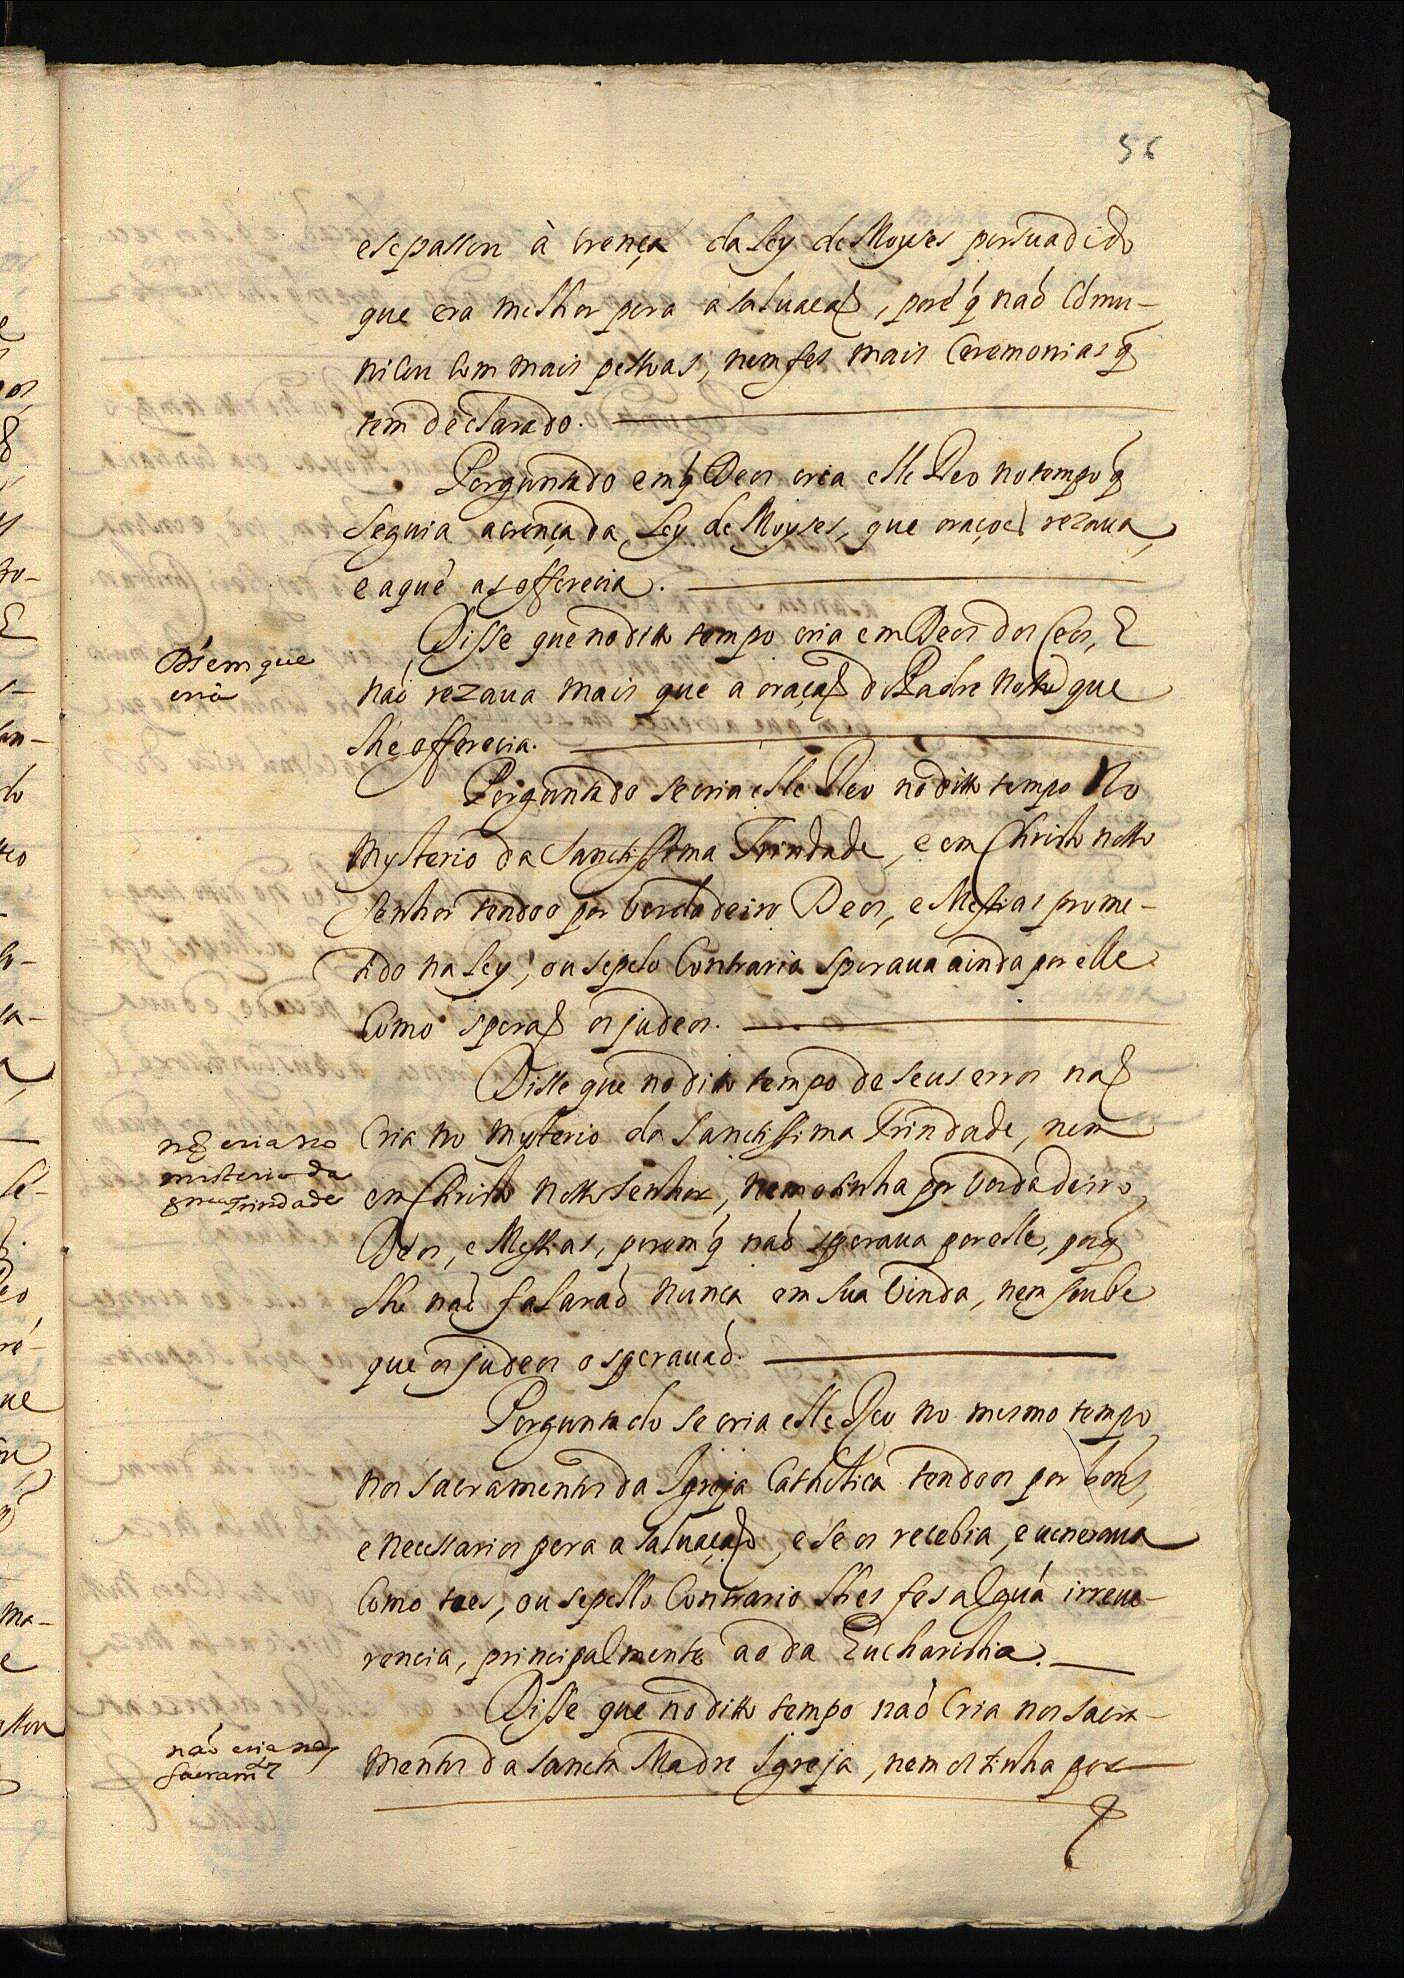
e se passou à crença da ley de Moyses persuadido
que era melhor pera a saluacaõ, porē q̄ naõ cōmu
nicou com mais pessoas, nem fes mais Ceremonias q̄
tem declarado.
Perguntado em q̄ Deos cria elle Reo no tempo q̄
seguia a crença da Ley de Moyses, que oraçoes rezaua,
e a quē as offerecia.
Disse que no ditto tempo cria em Deos dos Ceos, E
naõ rezaua mais que oraçaõ do Padre nosso que
lhe offerecia.
Perguntado se cria elle Reo no ditto tempo No
Mysterio da Sanctissima Trindade, e em Christo nosso
Senhor tendoo por verdadeiro Deos, e Messias prome
tido na ley, ou se pelo Contrario speraua ainda por elle
Como speraõ os judeos.
Disse que no ditto tempo de seus erros naõ
Cria no mysterio da sanctissima Trindade, nem
em Christo nosso senhor, nem o tinha per verdadeiro
Deos, e Messias, porem q̄ naõ speraua por elle, porq̄
lhe naõ falaraõ nunca em sua vinda, nem soube
que os judeos o sperauaõ.
Perguntado se cria elle Reo no mesmo tempo
nos sacramentos da Igreja Catholica tendoos por bon̄s,
e necessarios pera a saluaçaõ, e se os recebia, e ueneraua
como taes, ou se pello Contrario lhes fes alguā irreue
rencia, principalmente ao da Eucharistia.
Disse que no ditto tempo naõ cria nos sacra
mentos da sancta Madre Igreja, nem os tinha por
Ds̄ em que
cria
naõ cria no
misterio da
Sma Trindade
naõ cria nos
sacramtos
